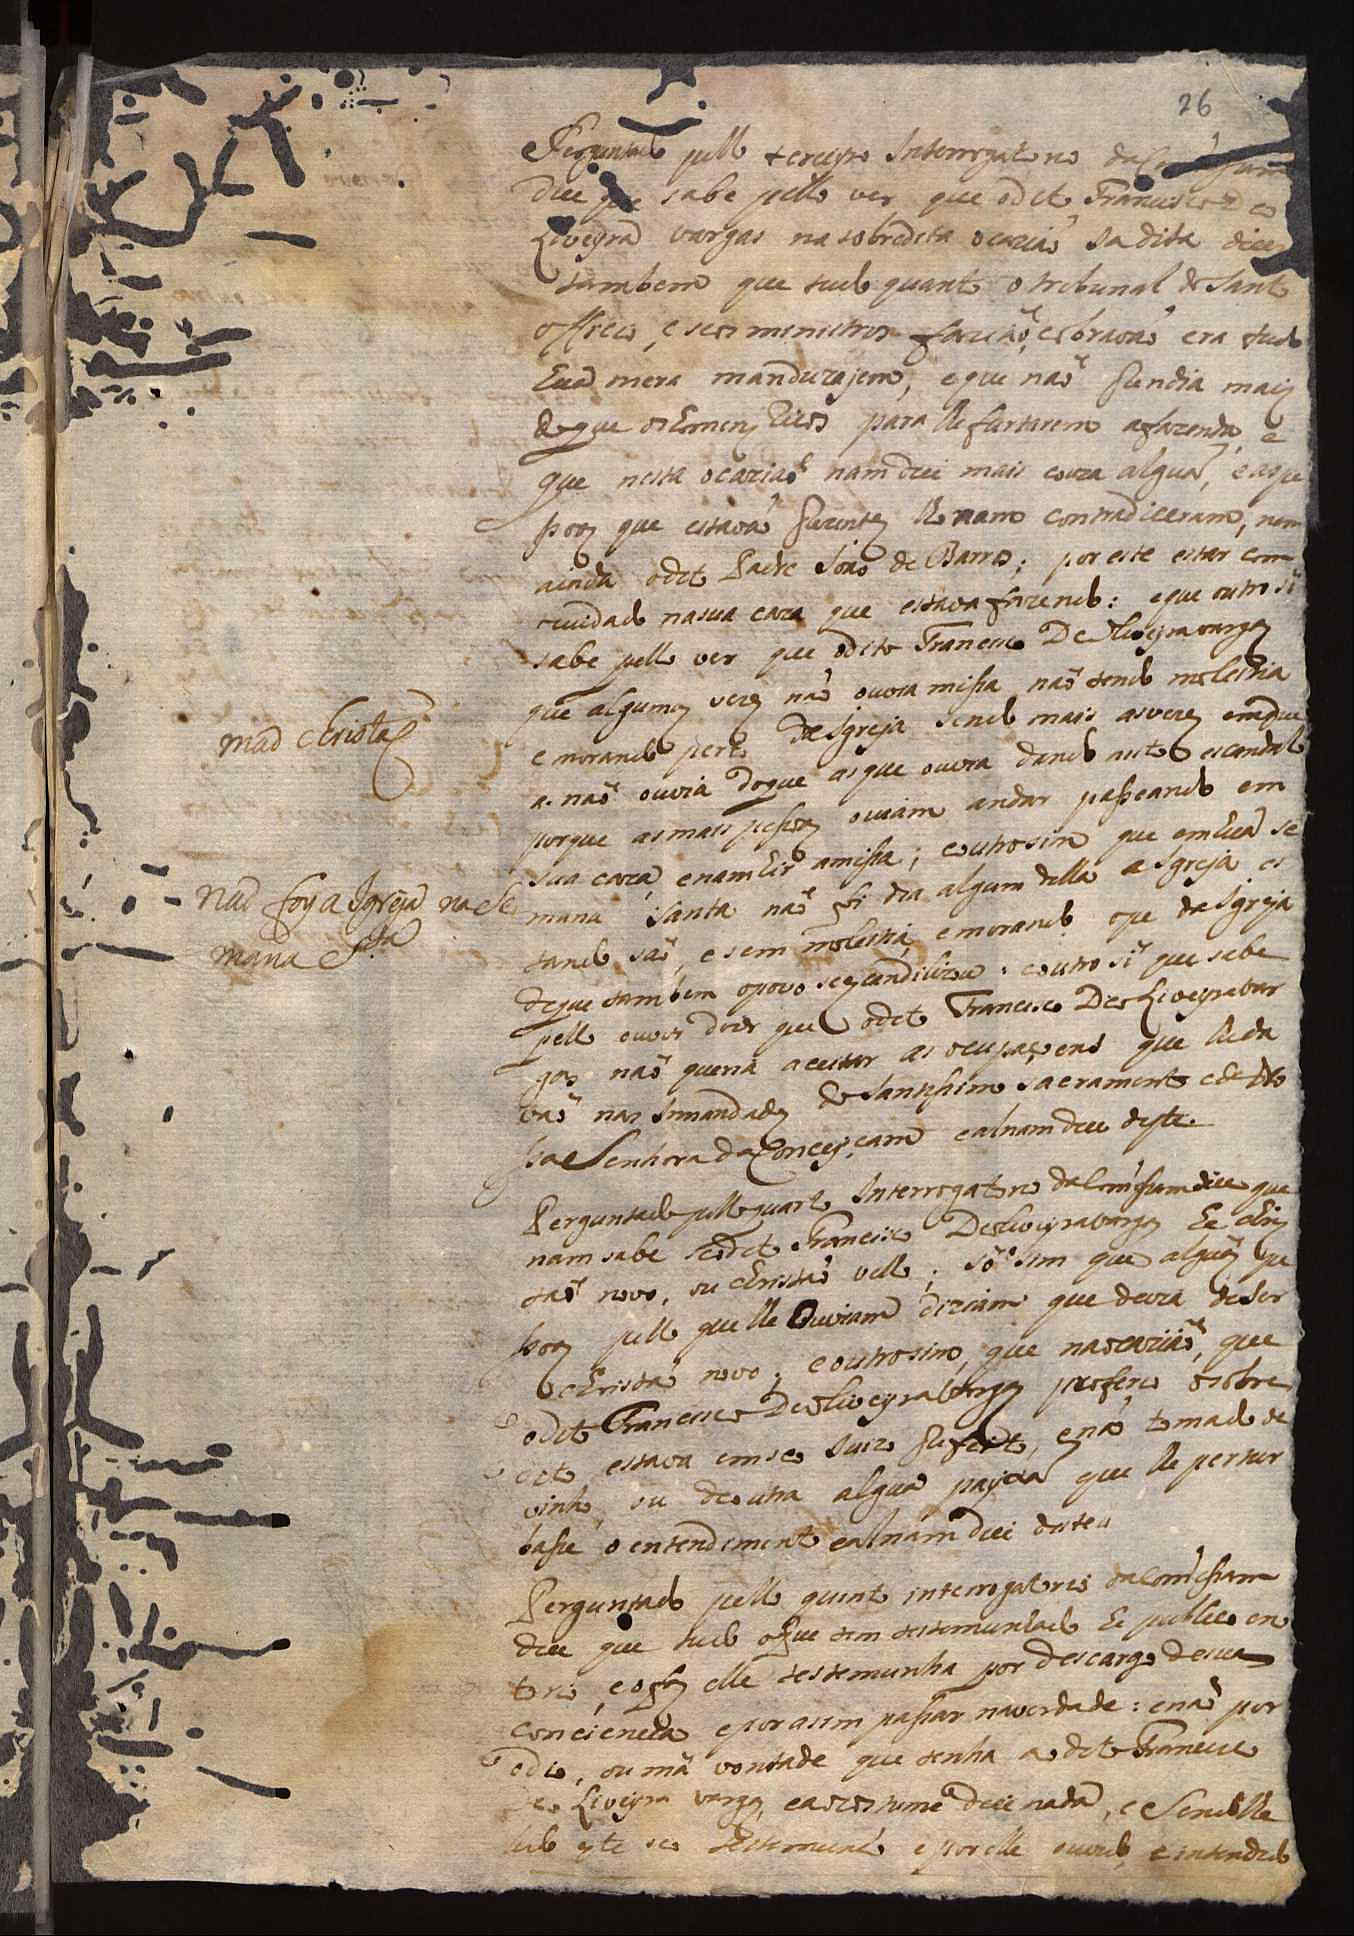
Perguntado pello terceyro Interrogatorio da C
dice sabe pelo ver que o dito Francisco de o
Liveyra vargas na sobredita ocaziaõ ia dita dice
tambem que tudo quanto o tribunal do Santo
officio, e seos ministros faziaõ, e obravão era tudo
huā mera manduzajem, e que naõ pRendia mais
do que os homens Ricos para de fartarem a fazenda, e
que nesta ocaziaõ nam dice mais couza alguā, e as pe
ssoas que estavaõ pRezentes lho nam contradiceram, nem
ainda o dito Padre Ioaõ de Barros; por este estar com
o cuidado na sua caza que estava fazendo: e que outrosi
sabe pello ver que o dito Francisco De Olivejra vargas
que algumas vezes naõ ouvia missa, naõ tendo molestia
e morando perto da Igreja sendo mais as vezes em que
mao christaõ
a. naõ ouvia do que as que ouvia dando auto escondalo
porque as mais pessoas o uiam andar passeando em
sua caza, e nam hir a missa; e outrosim que em huā se
naõ foy a Igreja na se
mana santa naõ foi dia algum della a Igreja es
tando saõ, e sem molestia, e morando o pe da Igreja
mana S.ta
de que tambem o povo se escandilizou; e outrosi que sabe
pello ouvir dizer que o dito Francisco De oLiveyra var
gas naõ queria aceitar as ocupaçoens que lhe da
vaõ nas Irmandades do Santissimo sacramento e de No
ssa Senhora da Concejçam e al nam dice deste.
Perguntado pello quarto Interrogatorio da Com̄issam dice que
nam sabe se o dito Francisco De oliveyra vargas he chris
taõ novo, ou christaõ vello; só sim que alguās pe
ssoas pello que lhe Ouviram diziam que devia de ser
christaõ novo; e outrosim, que na ocaziaõ, que
o dito Francisco de oliveyra vargas profereo o sobre
dito estava em seo Iuizo pRefeito, e naõ tomado de
vinho, ou de outra alguā payxā que lhe pertur
basse o entendimento e al nam deci deste//
Perguntado pello quinto interrogatorio da com̄essam
dice que tudo o que tem testemunhado he publico e no
torio, e o fas elle testemunha por descargo de sua
conciencia e por asim passar na verdade: e naõ por
odio, ou má vontade que tenha ao dito Francisco
De oLiveyra vargas, e ao costume dice nada, e Sendolhe
lido este seo testemunho e por elle ouvido, e entendido
